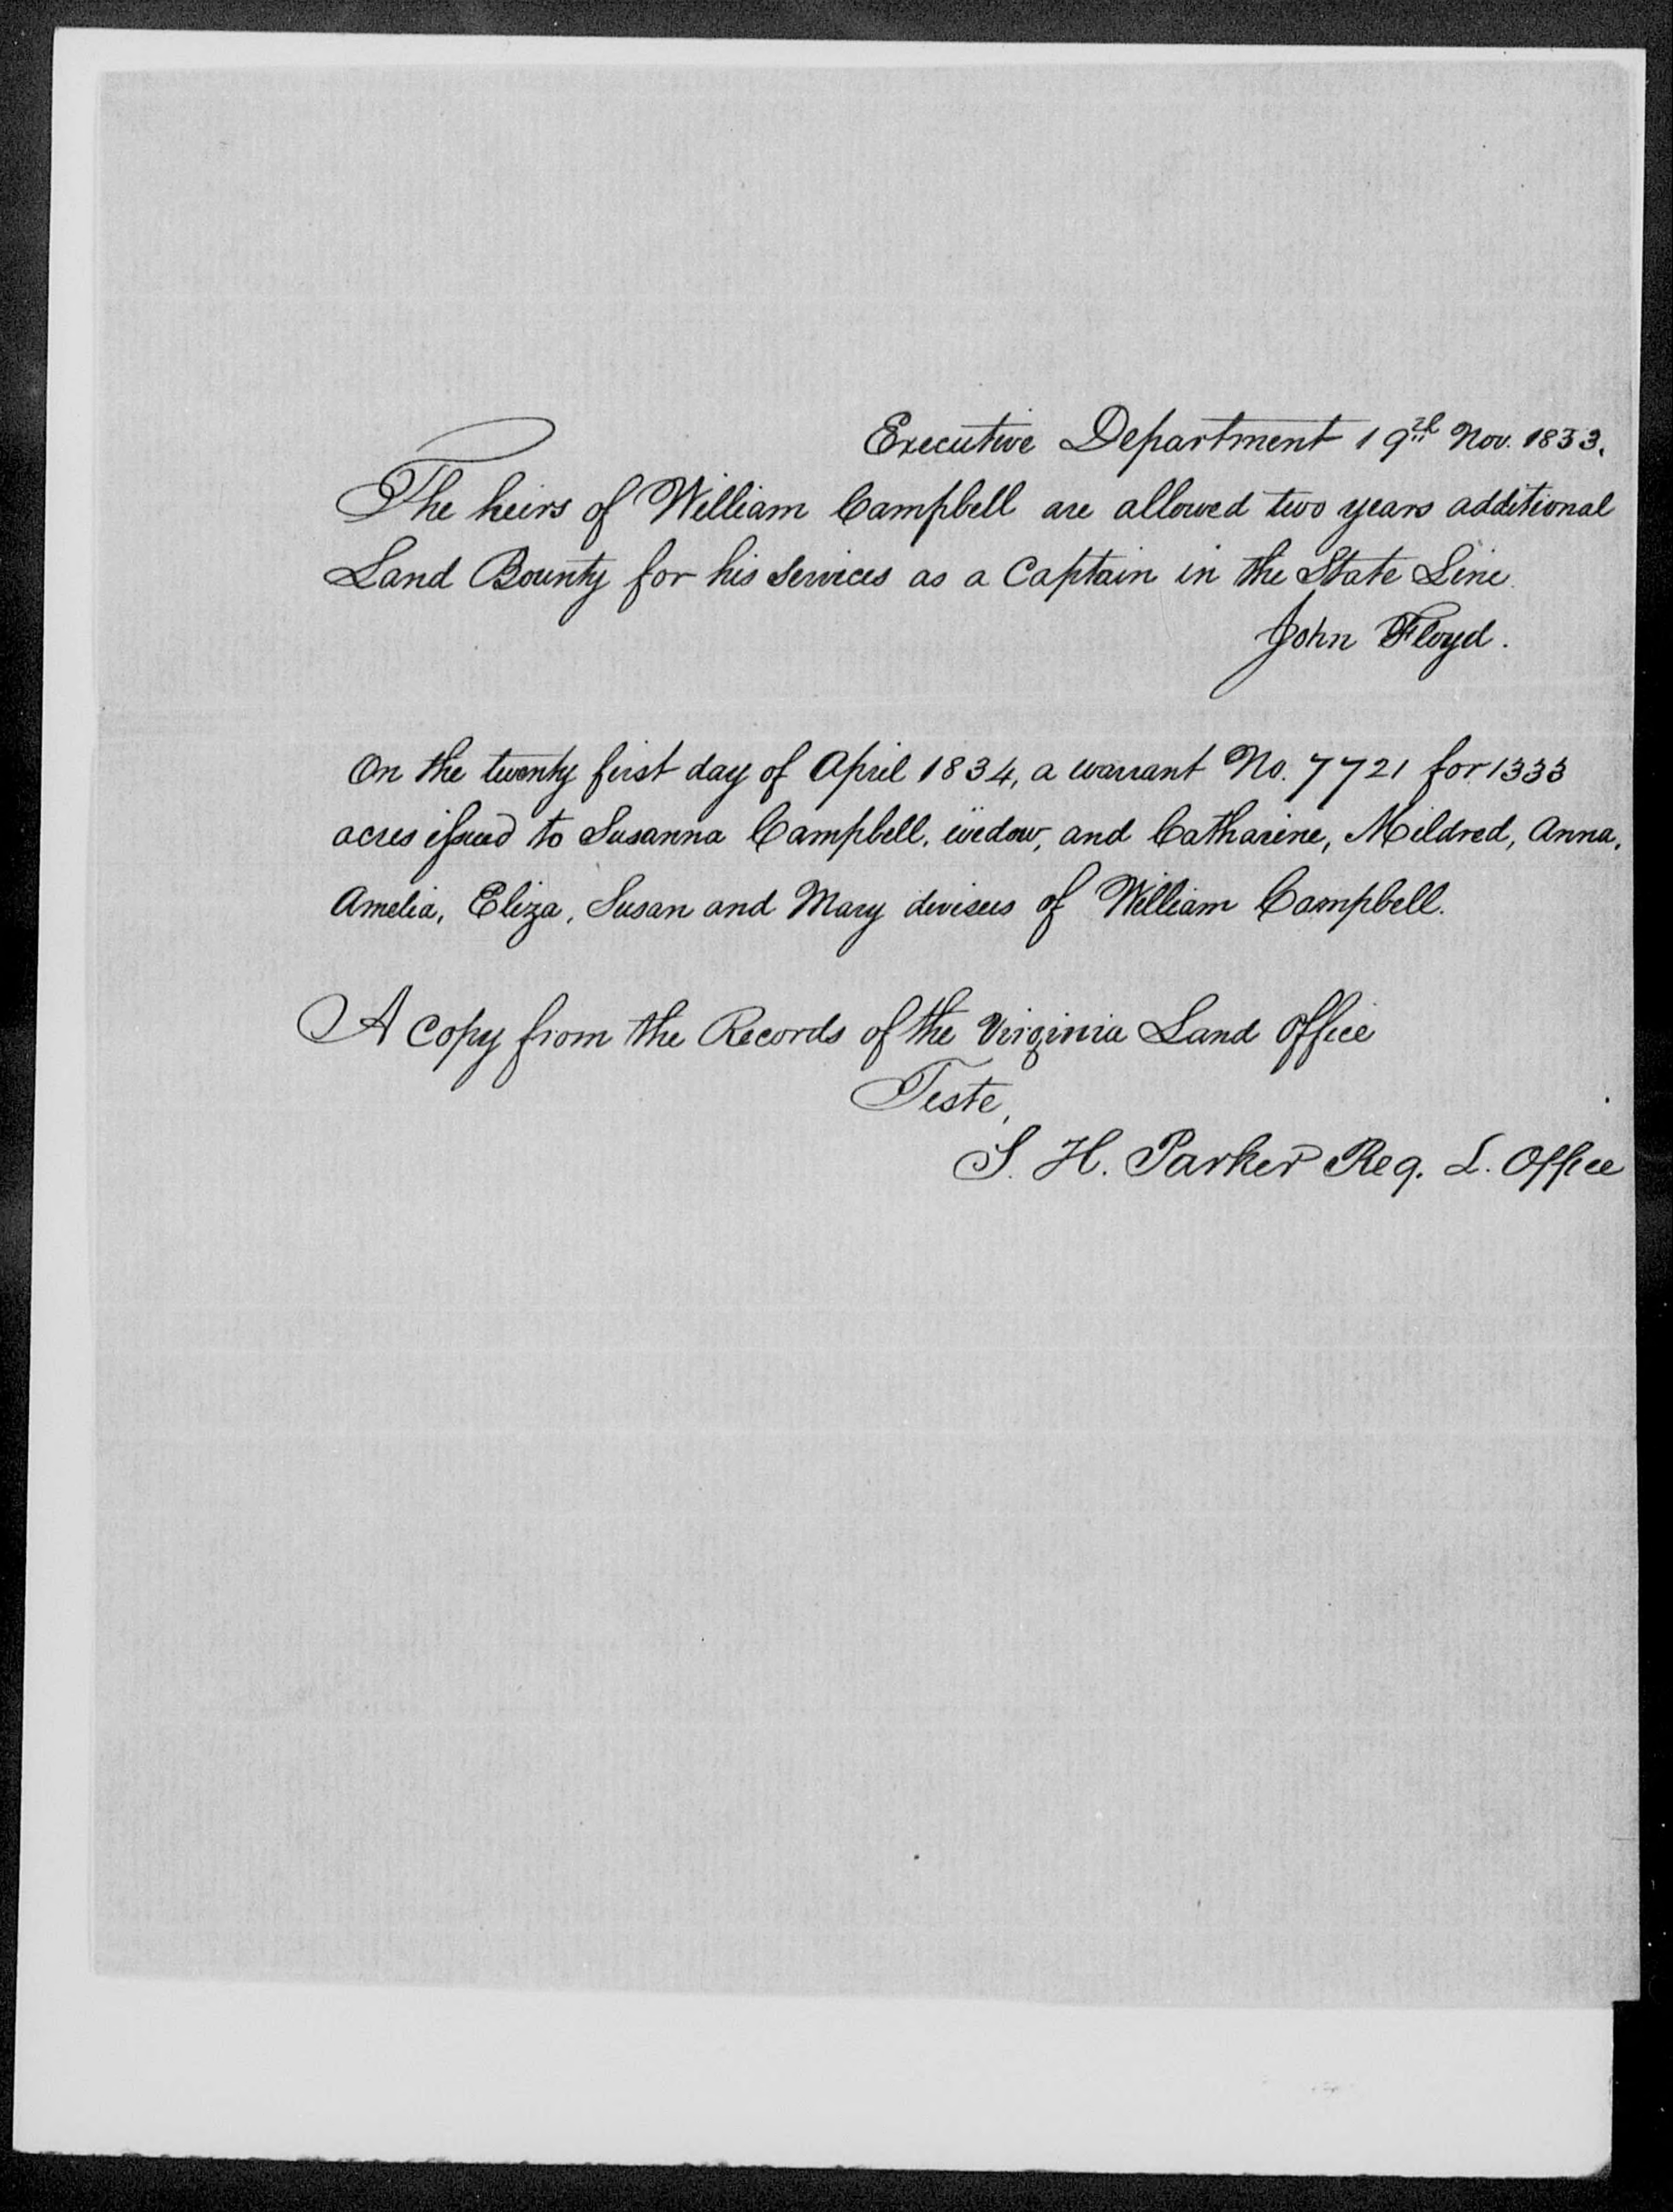Executive Department 19th Nov1833.
The heirs of William Campbell are allowed two years additional Land Bounty for his services as a Captain in the State Line. 
John Floyd

On the twenty first day of April 1834, a warrant No. 7721 for 1333 acres issued to Susanna Campbell, widow, and Catharine, Mildred, Anne, Amelia, Eliza and Mary devisees of William Campbell.

A copy from the Records of the Virginia Land Office
Teste,
S.H. Parker Reg. L. Office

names: Mary, William Campbell, Susan, Amelia, Susanna Campbell, Anna, John Floyd, Catharine, Mildred, S H Parker, Eliza, William Campbell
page: 21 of 267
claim: widow's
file: W. 4,149, William Campbell, Va.